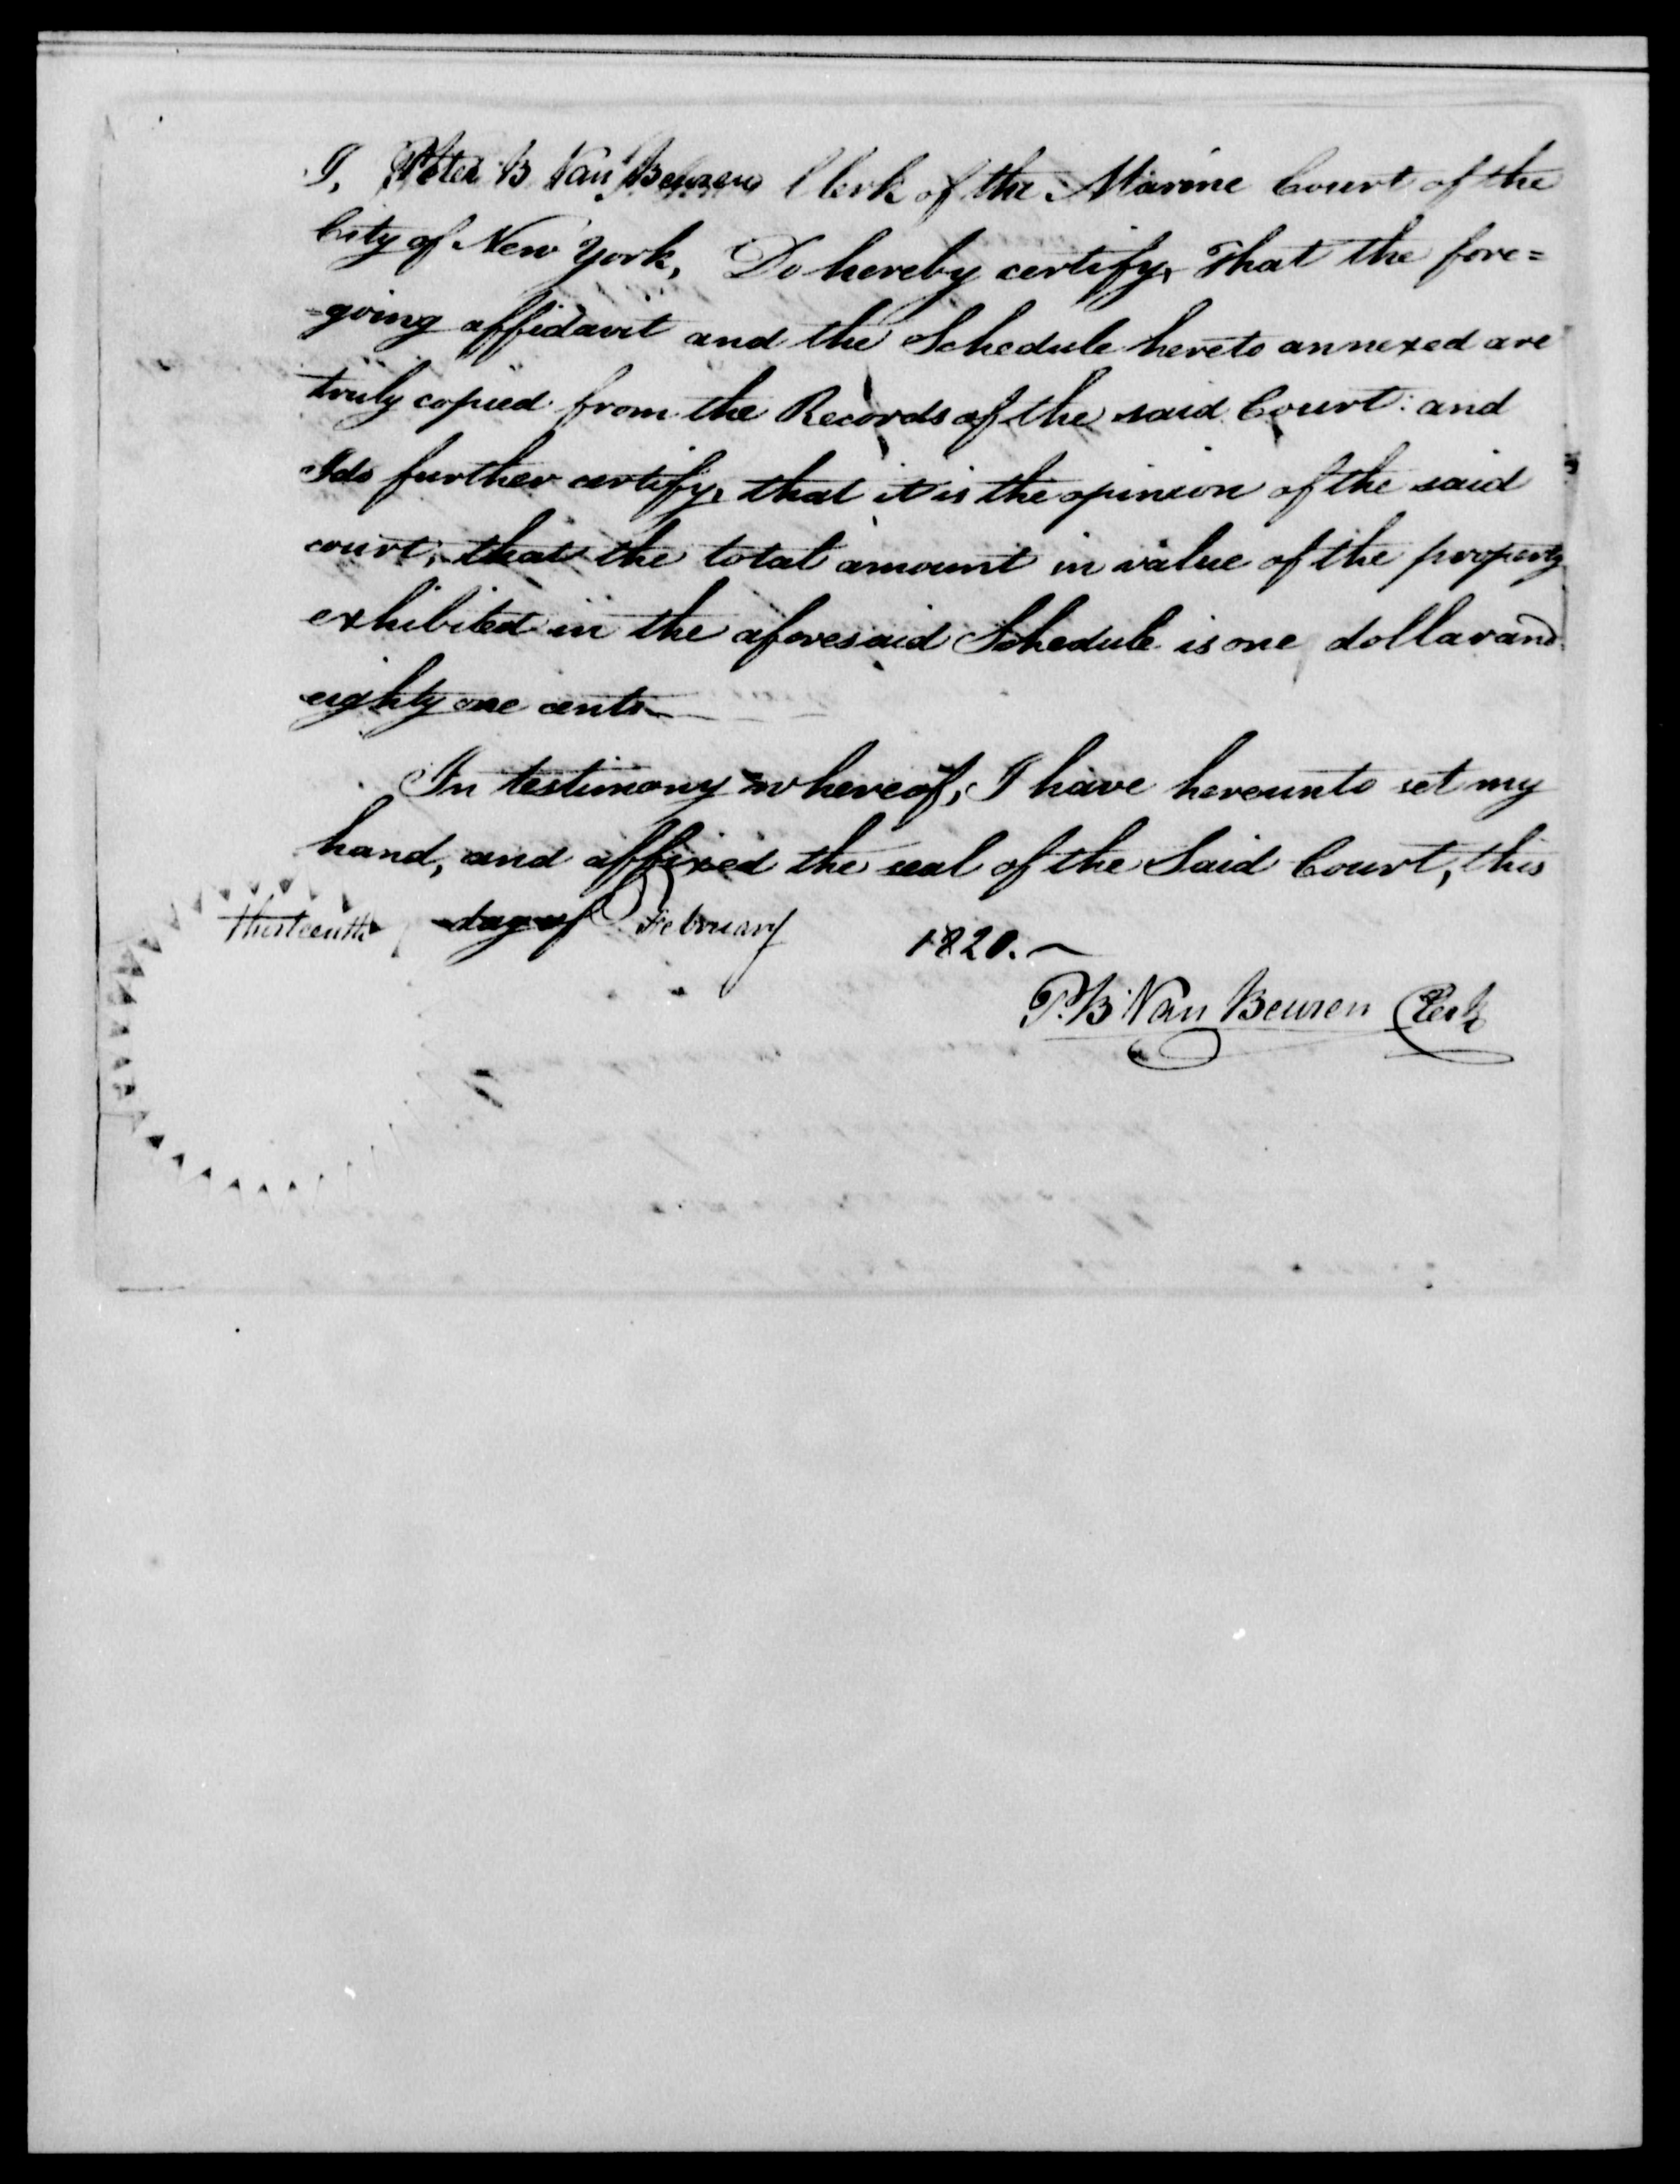I Peter B. Van Beuren Clerk of the Marine Court of the City of New York Do hereby certify that the foregoing affidavit and the Schedule hereto annexed are truly copied from the Records of the said Court and I do further certify that it is the opinion of the said Court that the total amount in value of the property exhibited in the aforesaid Schedule is one dollar and eighty one cents.
In testimony whereof I have hereunto set my hand, and affixed the seal of the Said Court this thirteenth day of February 1820.

P.B. Van Beuren Clerk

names: Peter B Van Beuren; P B Van Buren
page: 7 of 30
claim: survivor's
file: S. 42289, for Seymore Sherwood, Connecticut